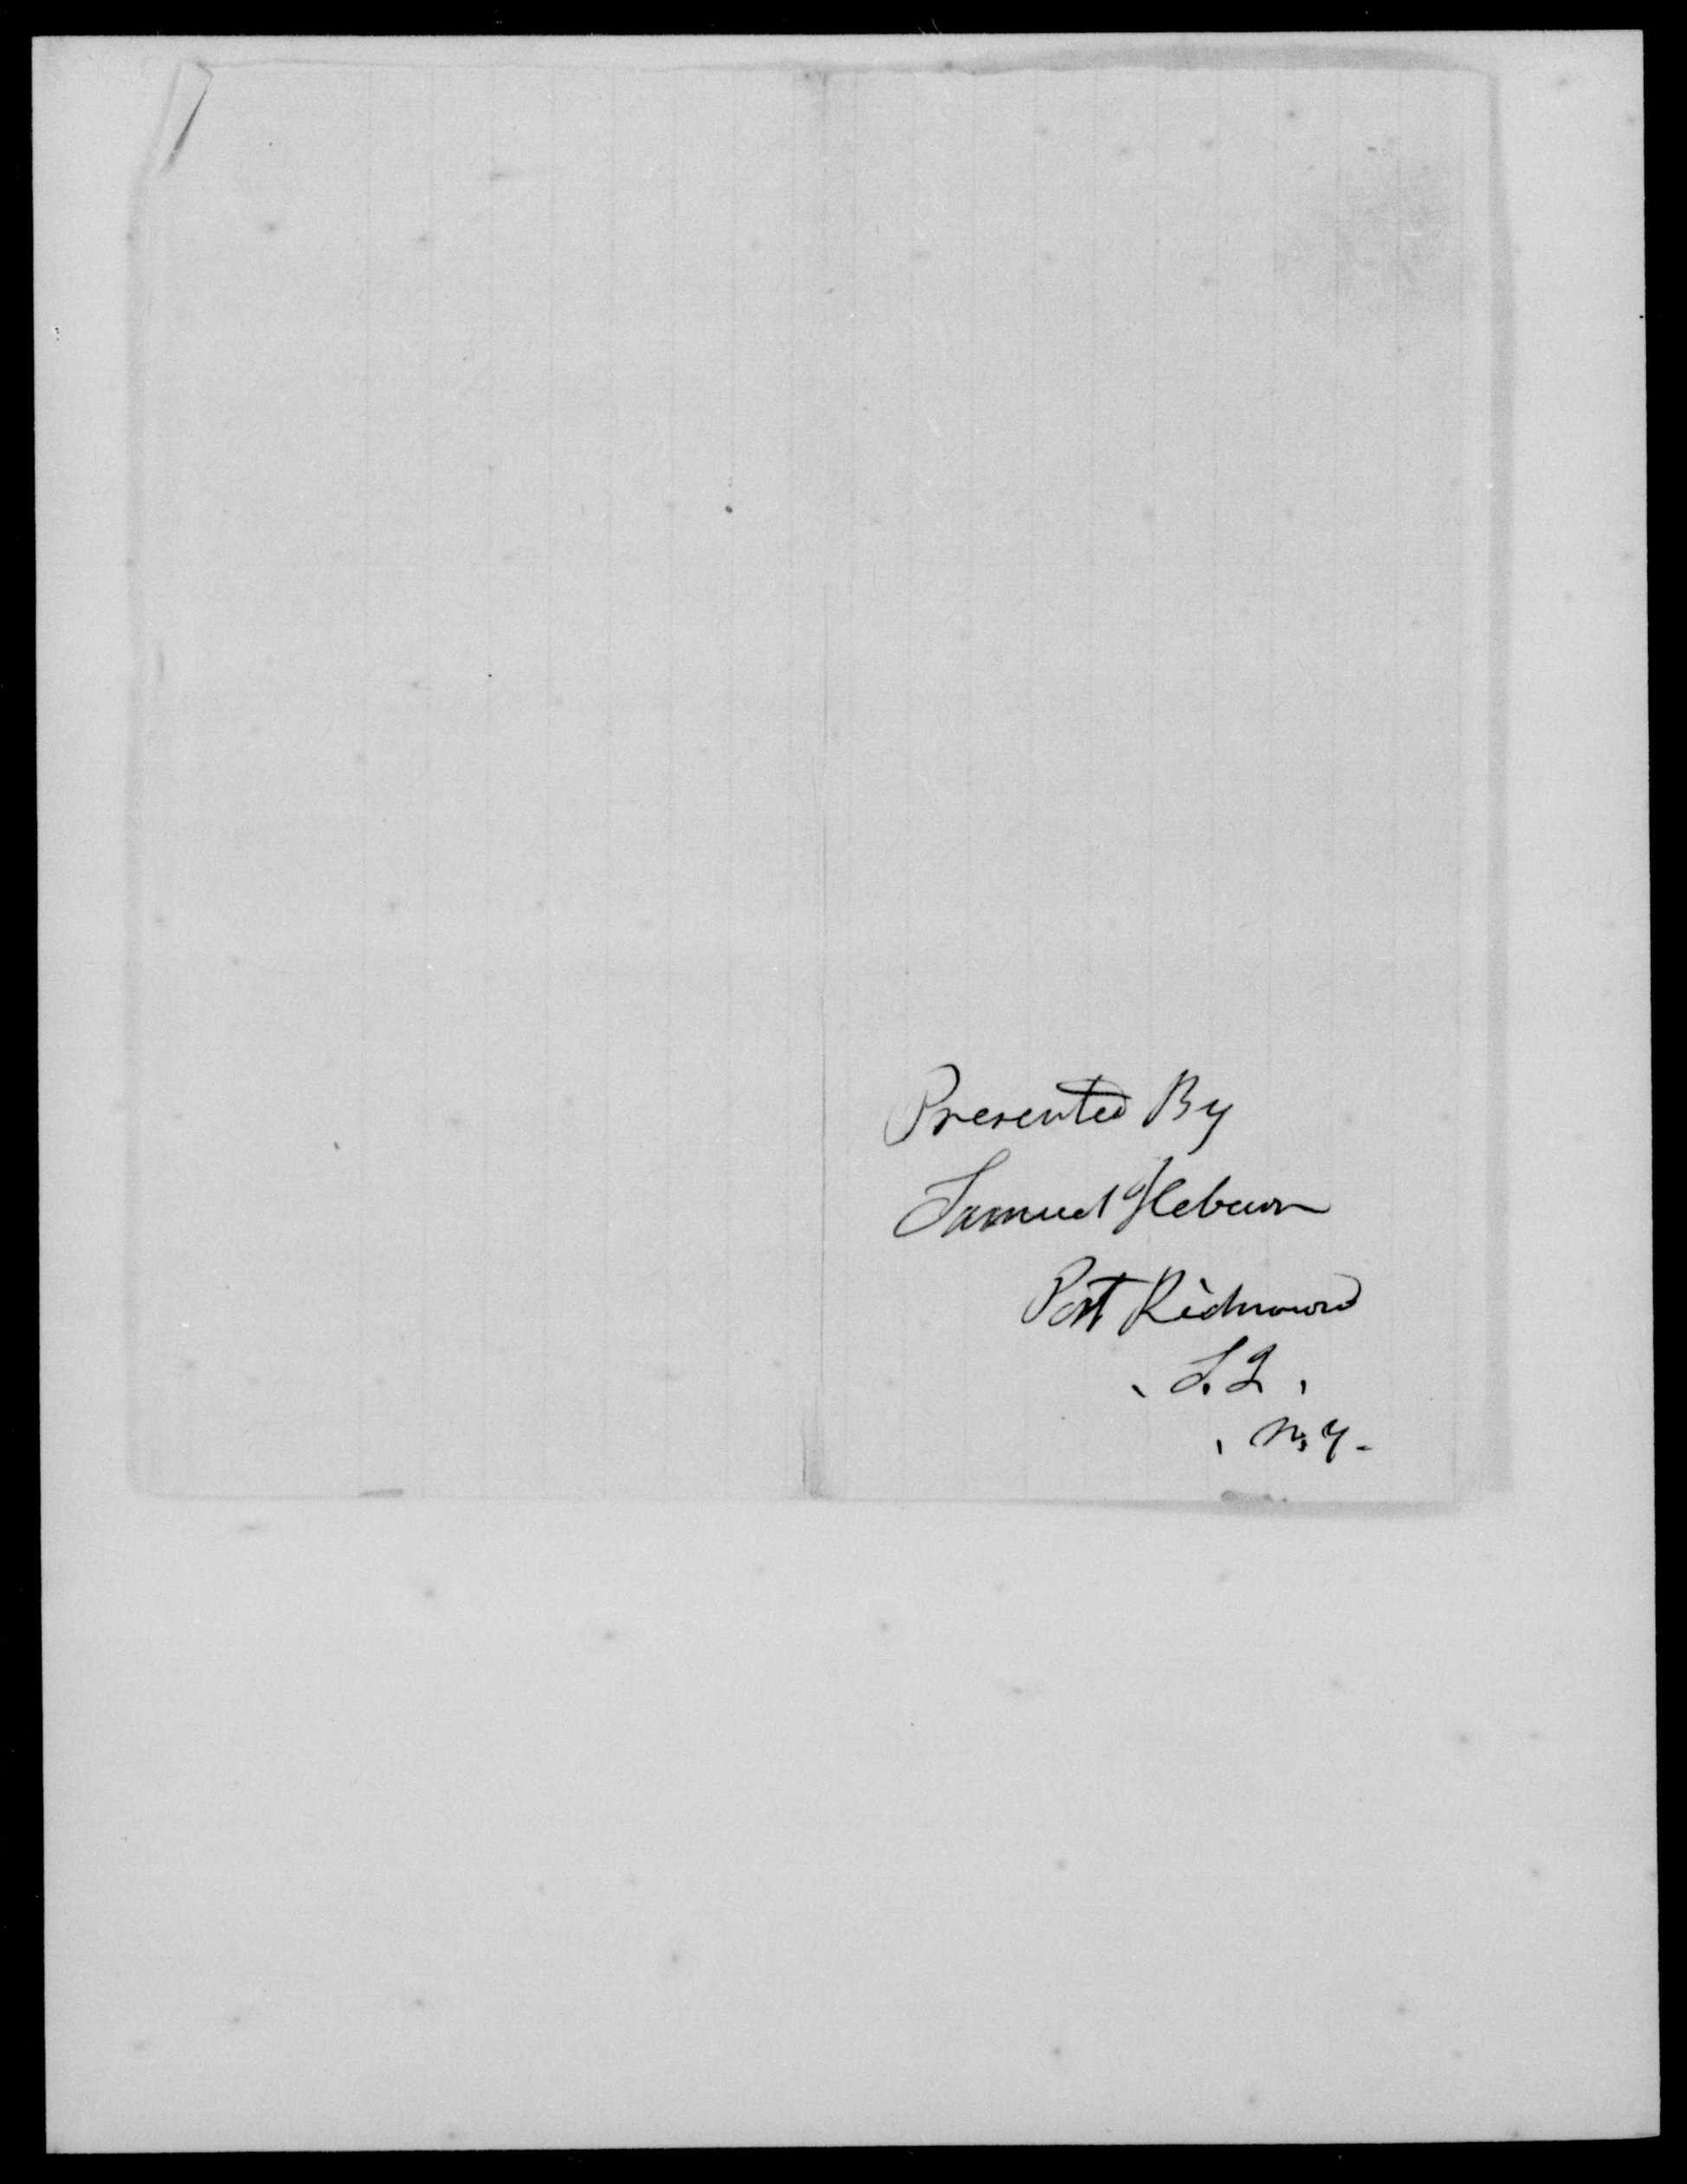Presented By
Samuel Heburn
Port Richmond
S.I.
N.Y.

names: Samuel Heburn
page: 52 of 65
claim: widow's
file: W. 7197, for Jonathan Spear, Vermont